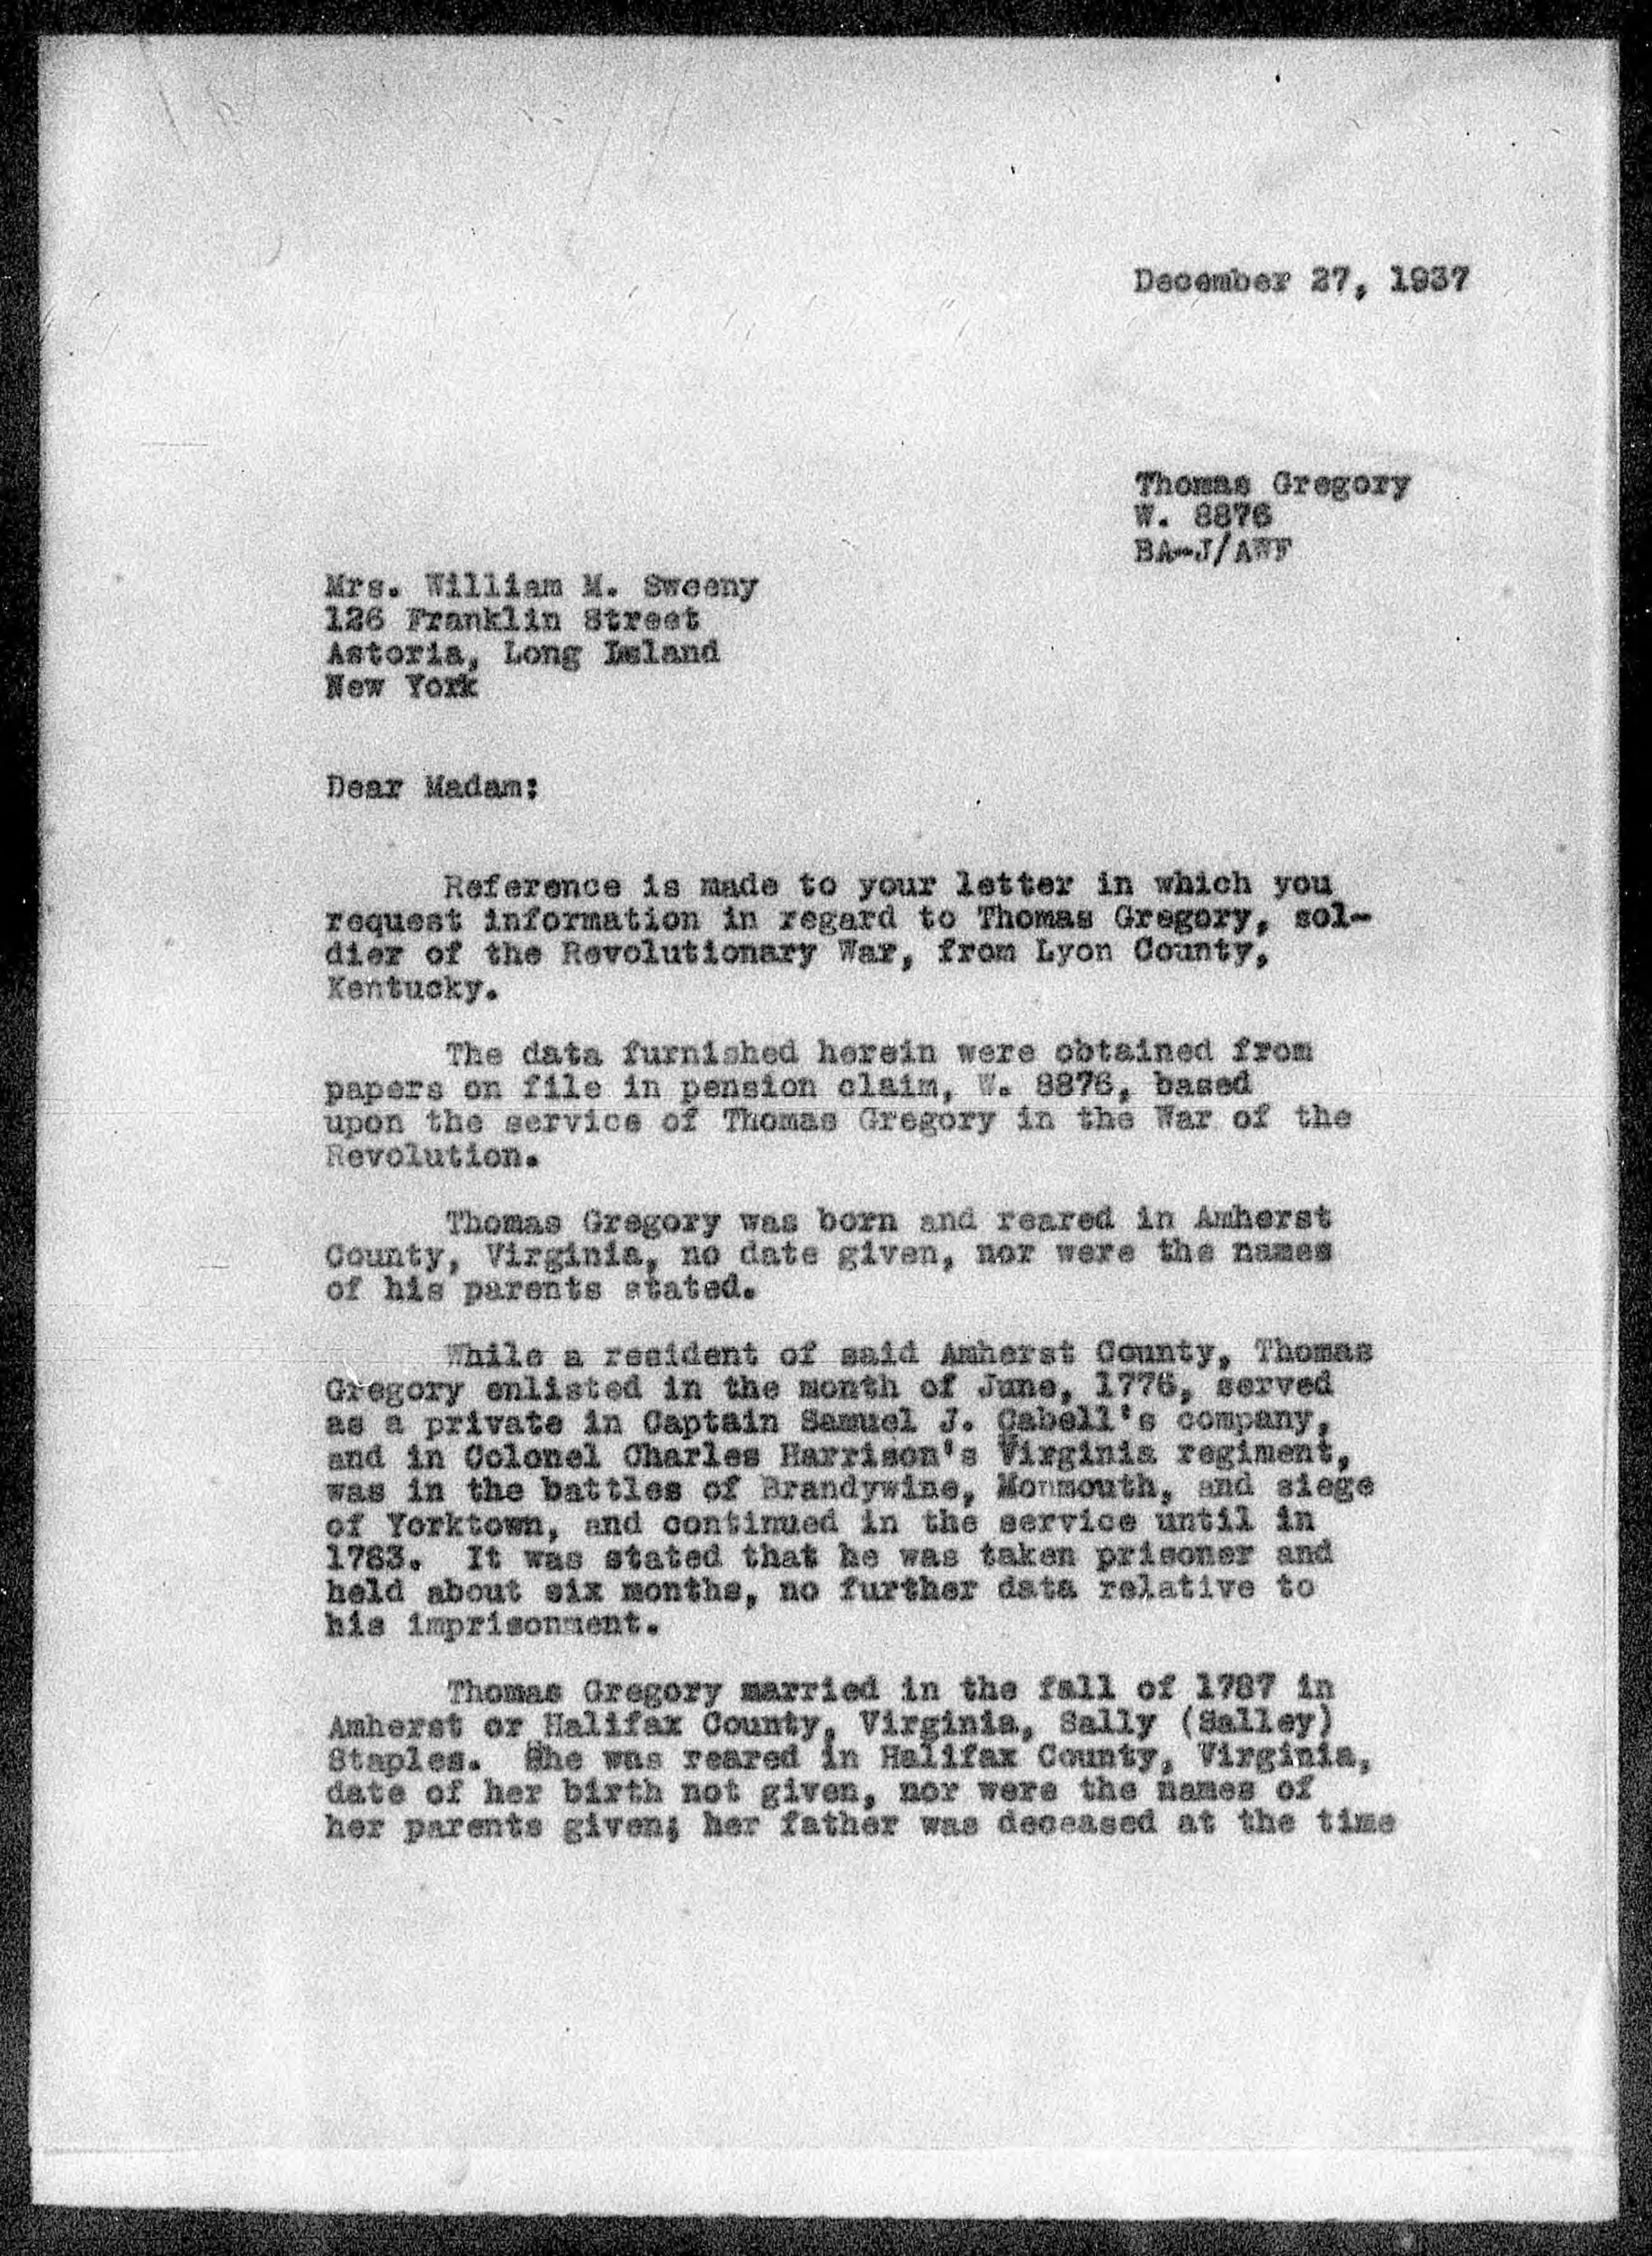December 27, 1937

Thomas Gregory
W. 8876
BA-J/AWF

Mrs. William M. Sweeny
126 Franklin Street
Astoria, Long Island
New York

Dear Madam:

Reference is made to your letter in which you request information in regard to Thomas Gregory, soldier of the Revolutionary War, from Lyon County, Kentucky.
The data furnished herein were obtained from papers on file in pension claim, W. 8876, based upon the service of Thomas Gregory in the War of the Revolution.
Thomas Gregory was born and reared in Amherst County, Virginia, no date given, nor were the names of his parents stated.
While a resident of said Amherst County, Thomas Gregory enlisted in the month of June, 1778, served as a private in Captain Samuel J. Cabell's company,
and in Colonel Charles Harrison's Virginia regiment, was in the battles of Brandywine, Monmouth, and siege of Yorktown, and continued in the service until in 1783. It was stated that he was taken prisoner and held about six months, no further data relative to his imprisonment.
Thomas Gregory married in the fall of 1787 in Amherst or Halifax County, Virginia, Sally (Salley) Staples. She was reared in Halifax County, Virginia, date of her birth not given, nor were the names of her parents given; her father was deceased at the time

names: Thomas Gregory, Thomas Gregory, Thomas Gregory, Thomas Gregory, Thomas Gregory, Sally Staples, Thomas Gregory, Salley Staples, William M Sweeny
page: 15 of 75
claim: widow's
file: W. 8876, Thomas Gregory, Continental Va